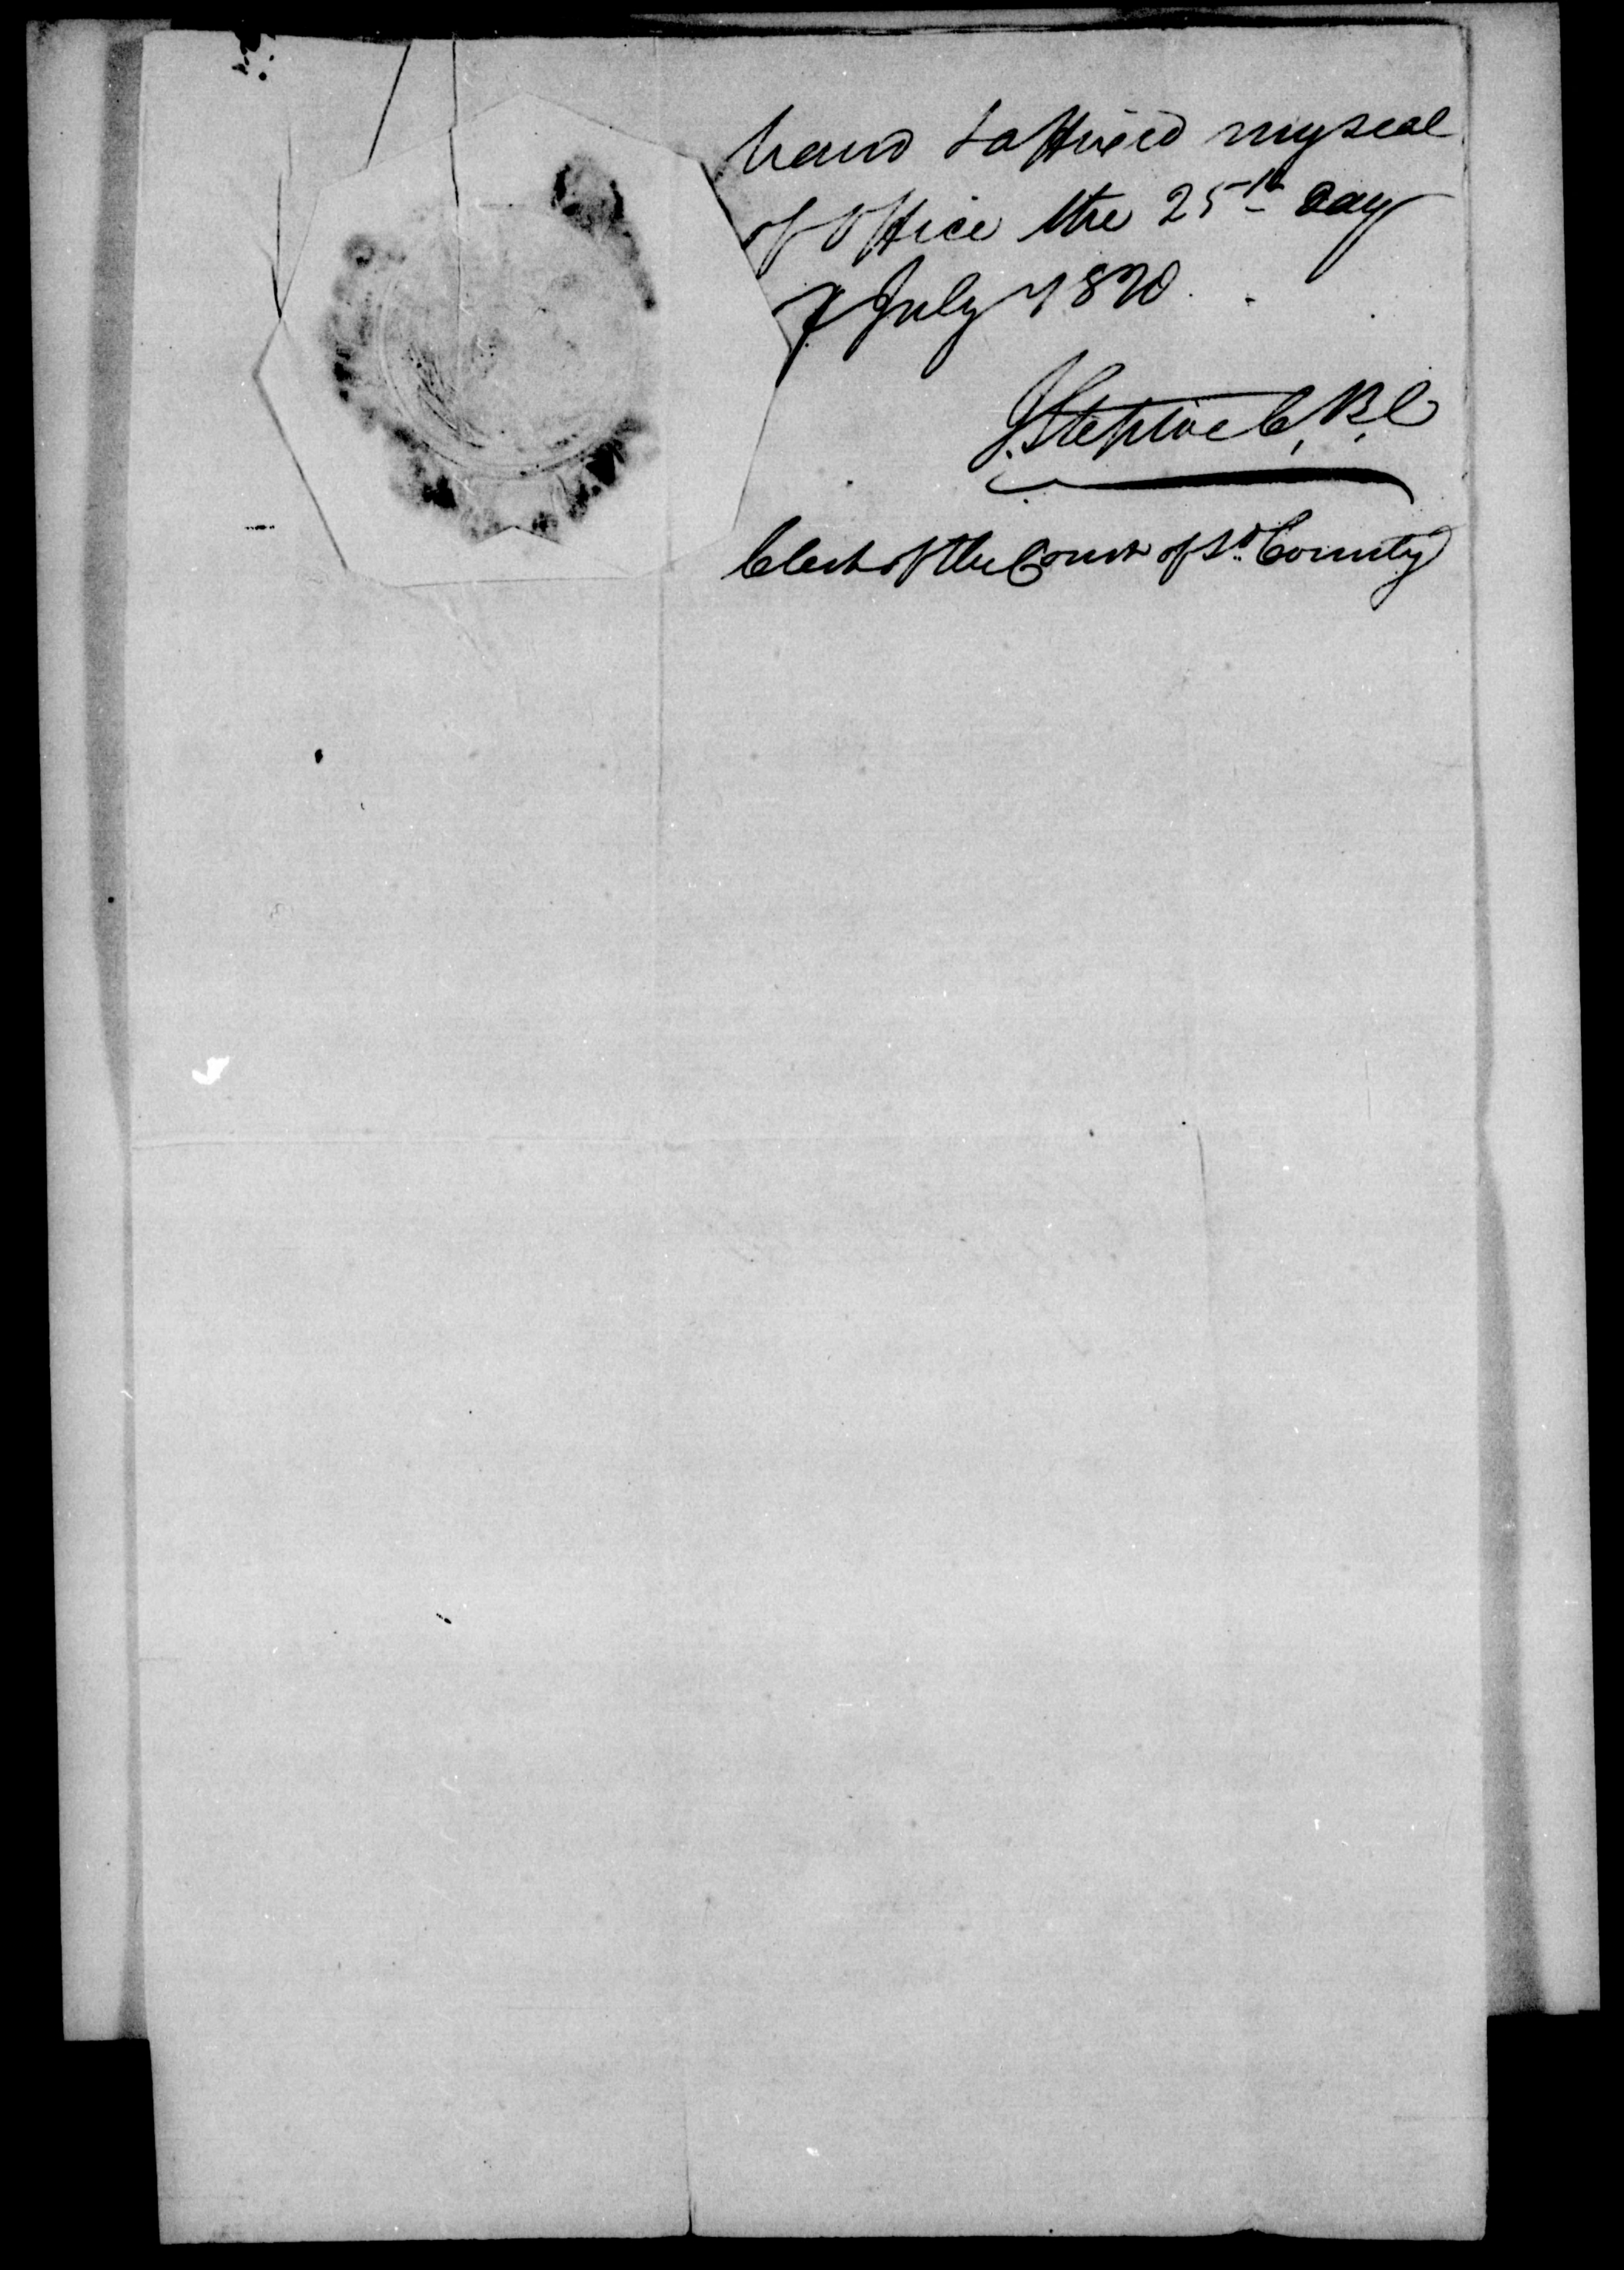hand & affixed my seal of office the 25th day of July 1820.
J Steptoe {illegible}
Clerk of the Court of sd County
(image of faded seal)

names: J Steptoe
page: 9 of 16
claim: survivor's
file: S. 38,386, for George Smith, Virginia